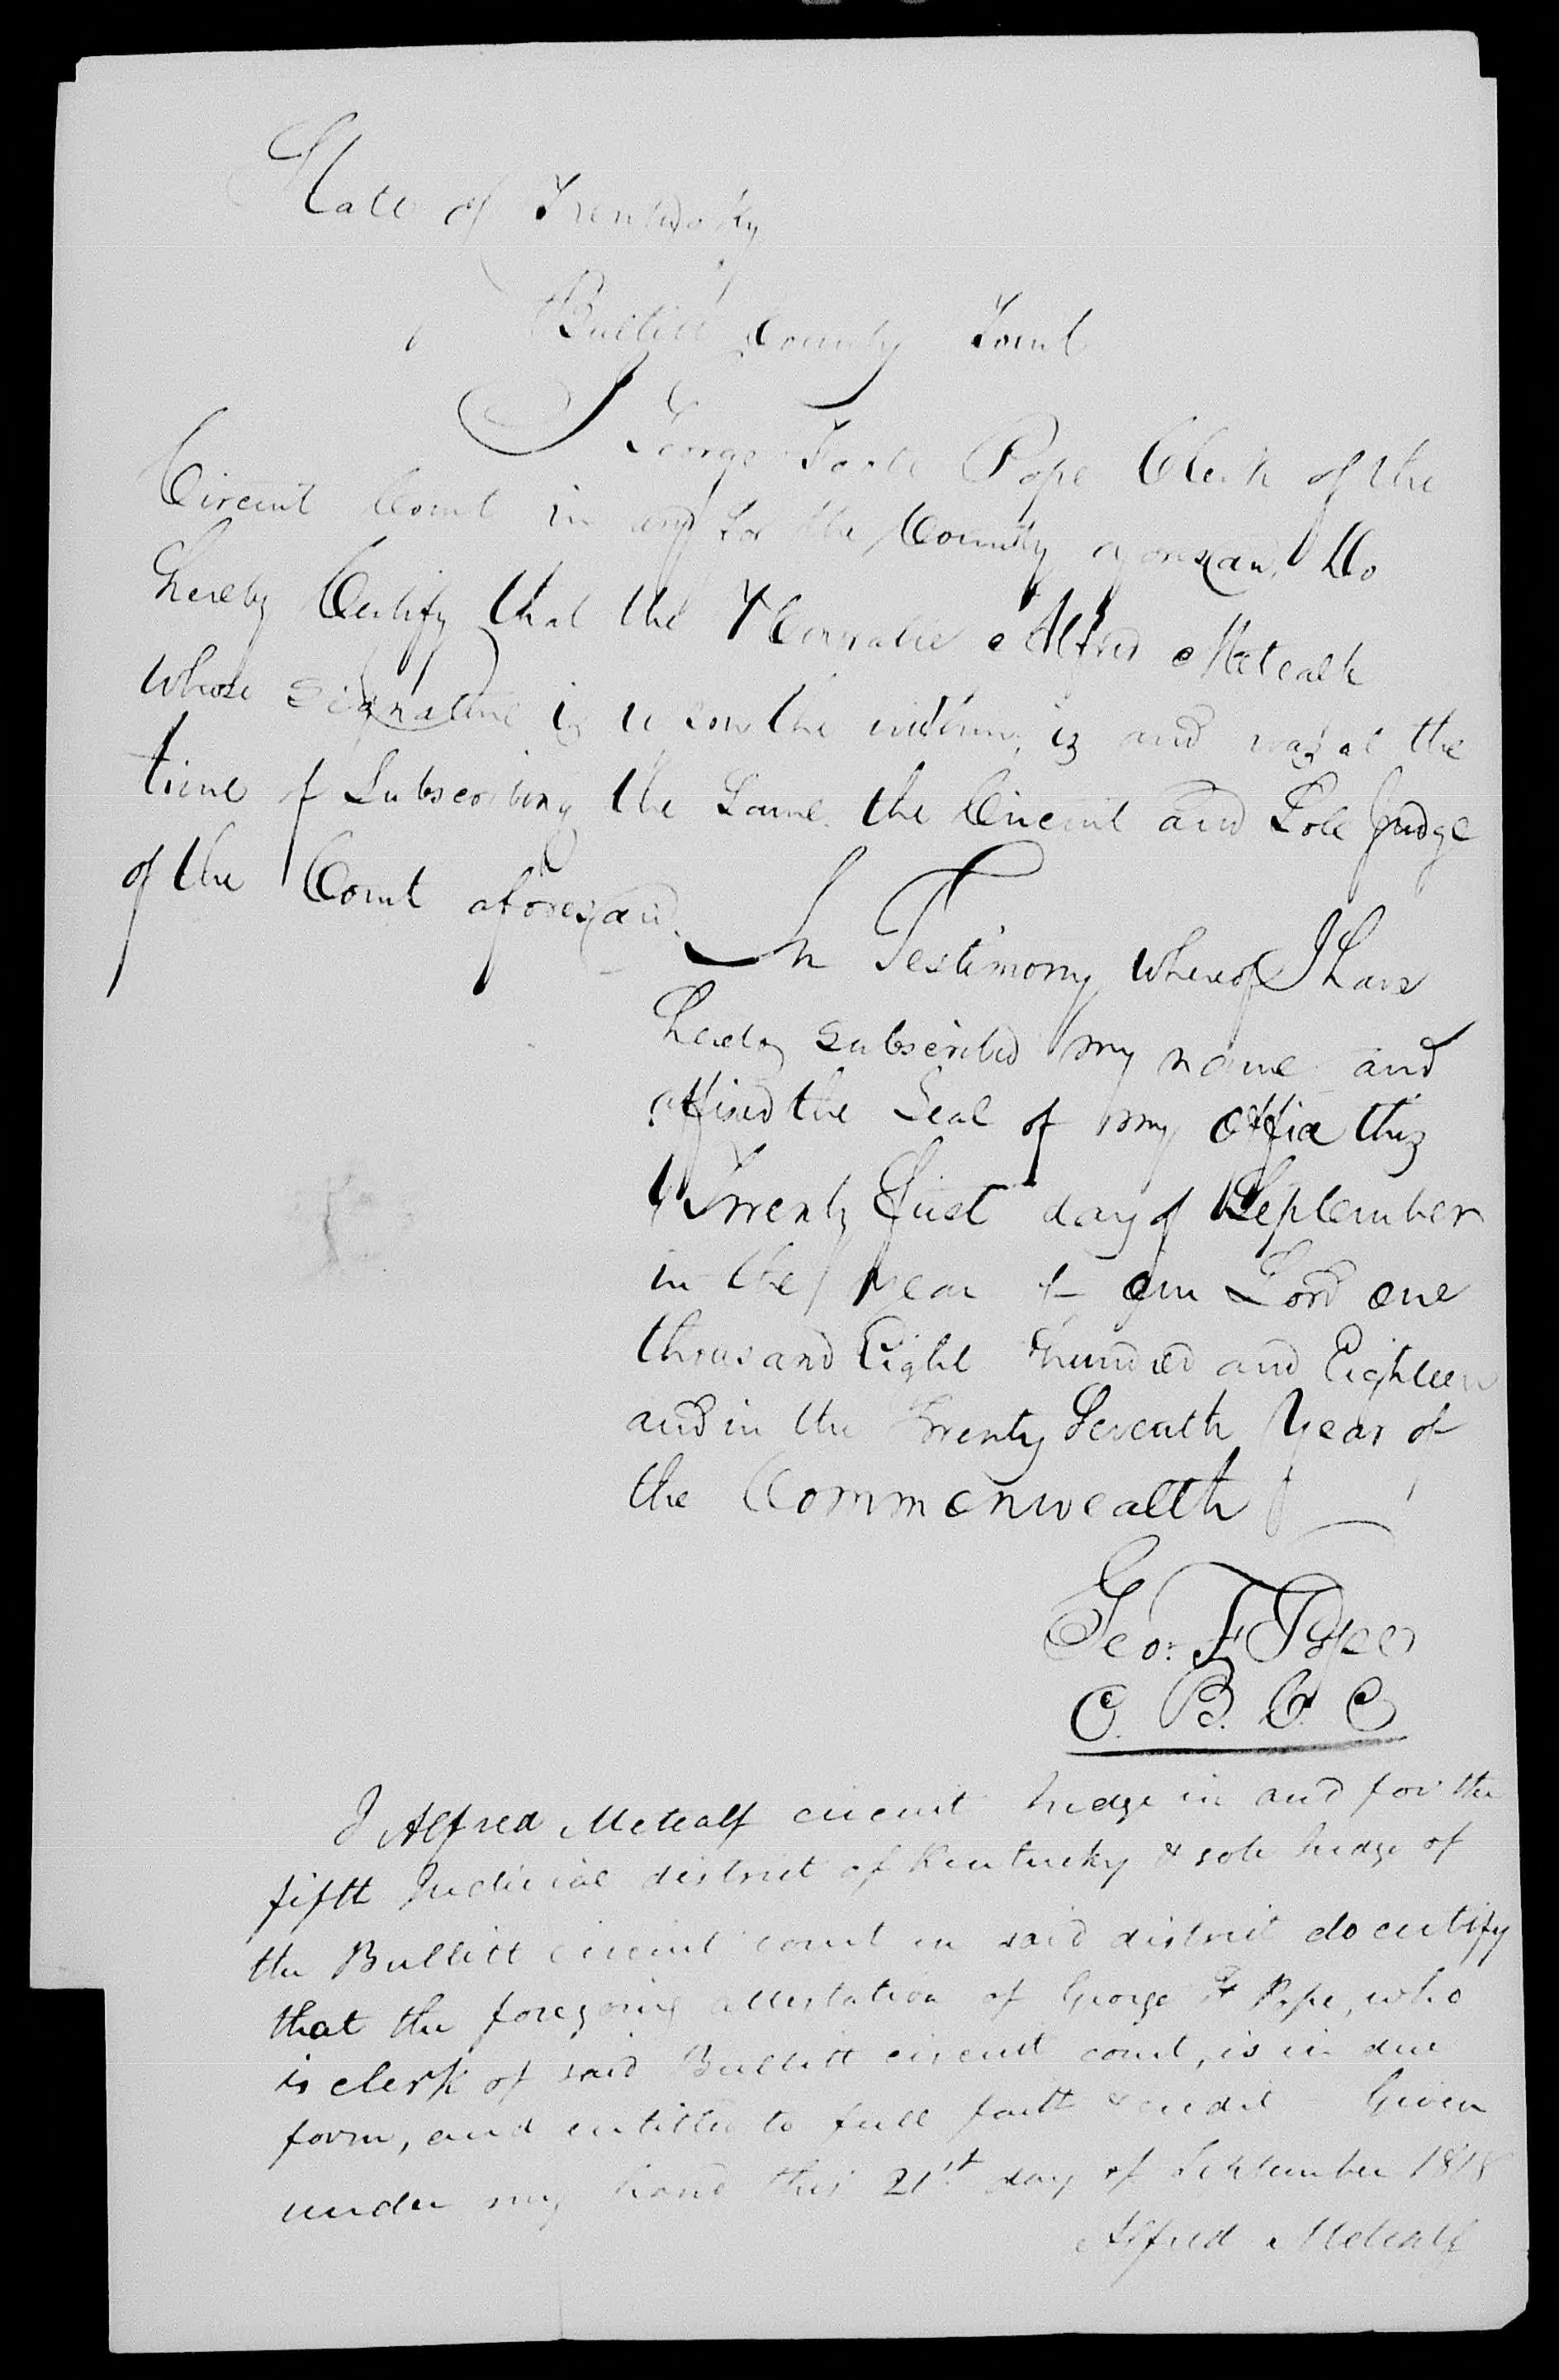State of Kentucky
Bullitt County Court
I, George Forte Pope Clerk of the Circuit Court in and for the County aforesaid Certify that the Horace Alfred Metcalf whose Signature is upon the within is and was at the time of Subscribing the same the Circuit and Sole Judge of the Court aforesaid

In Testimony whereof I have hereto subscribed my name and affixed the Seal of my office this
Twenty first day of September in the year of our Lord one thousand Eight hundred and Eighteen
and in the Twenty Seventh year of the Commonwealth
Geo. F. Pope
C.B.C.C

I Alfred Metcalf Circuit Judge in and for the fifth Judicial district of Kentucky & sole Judge of
the Bullitt Circuit court in said district do certify that the foregoing attestation of George H Pope, who is clerk of said Bullitt circuit court, is in due form, and entitled to full faith & credit. Given
under my hand this 21st day of September 1818
Alfred Metcalf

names: Geo F Pope, Alfred Metcalf, Alfred Metcalf, George F Pope, George Foote Pope, Alfred Metcalf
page: 5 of 14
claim: survivor's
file: S 35911, John Edens, S.C.